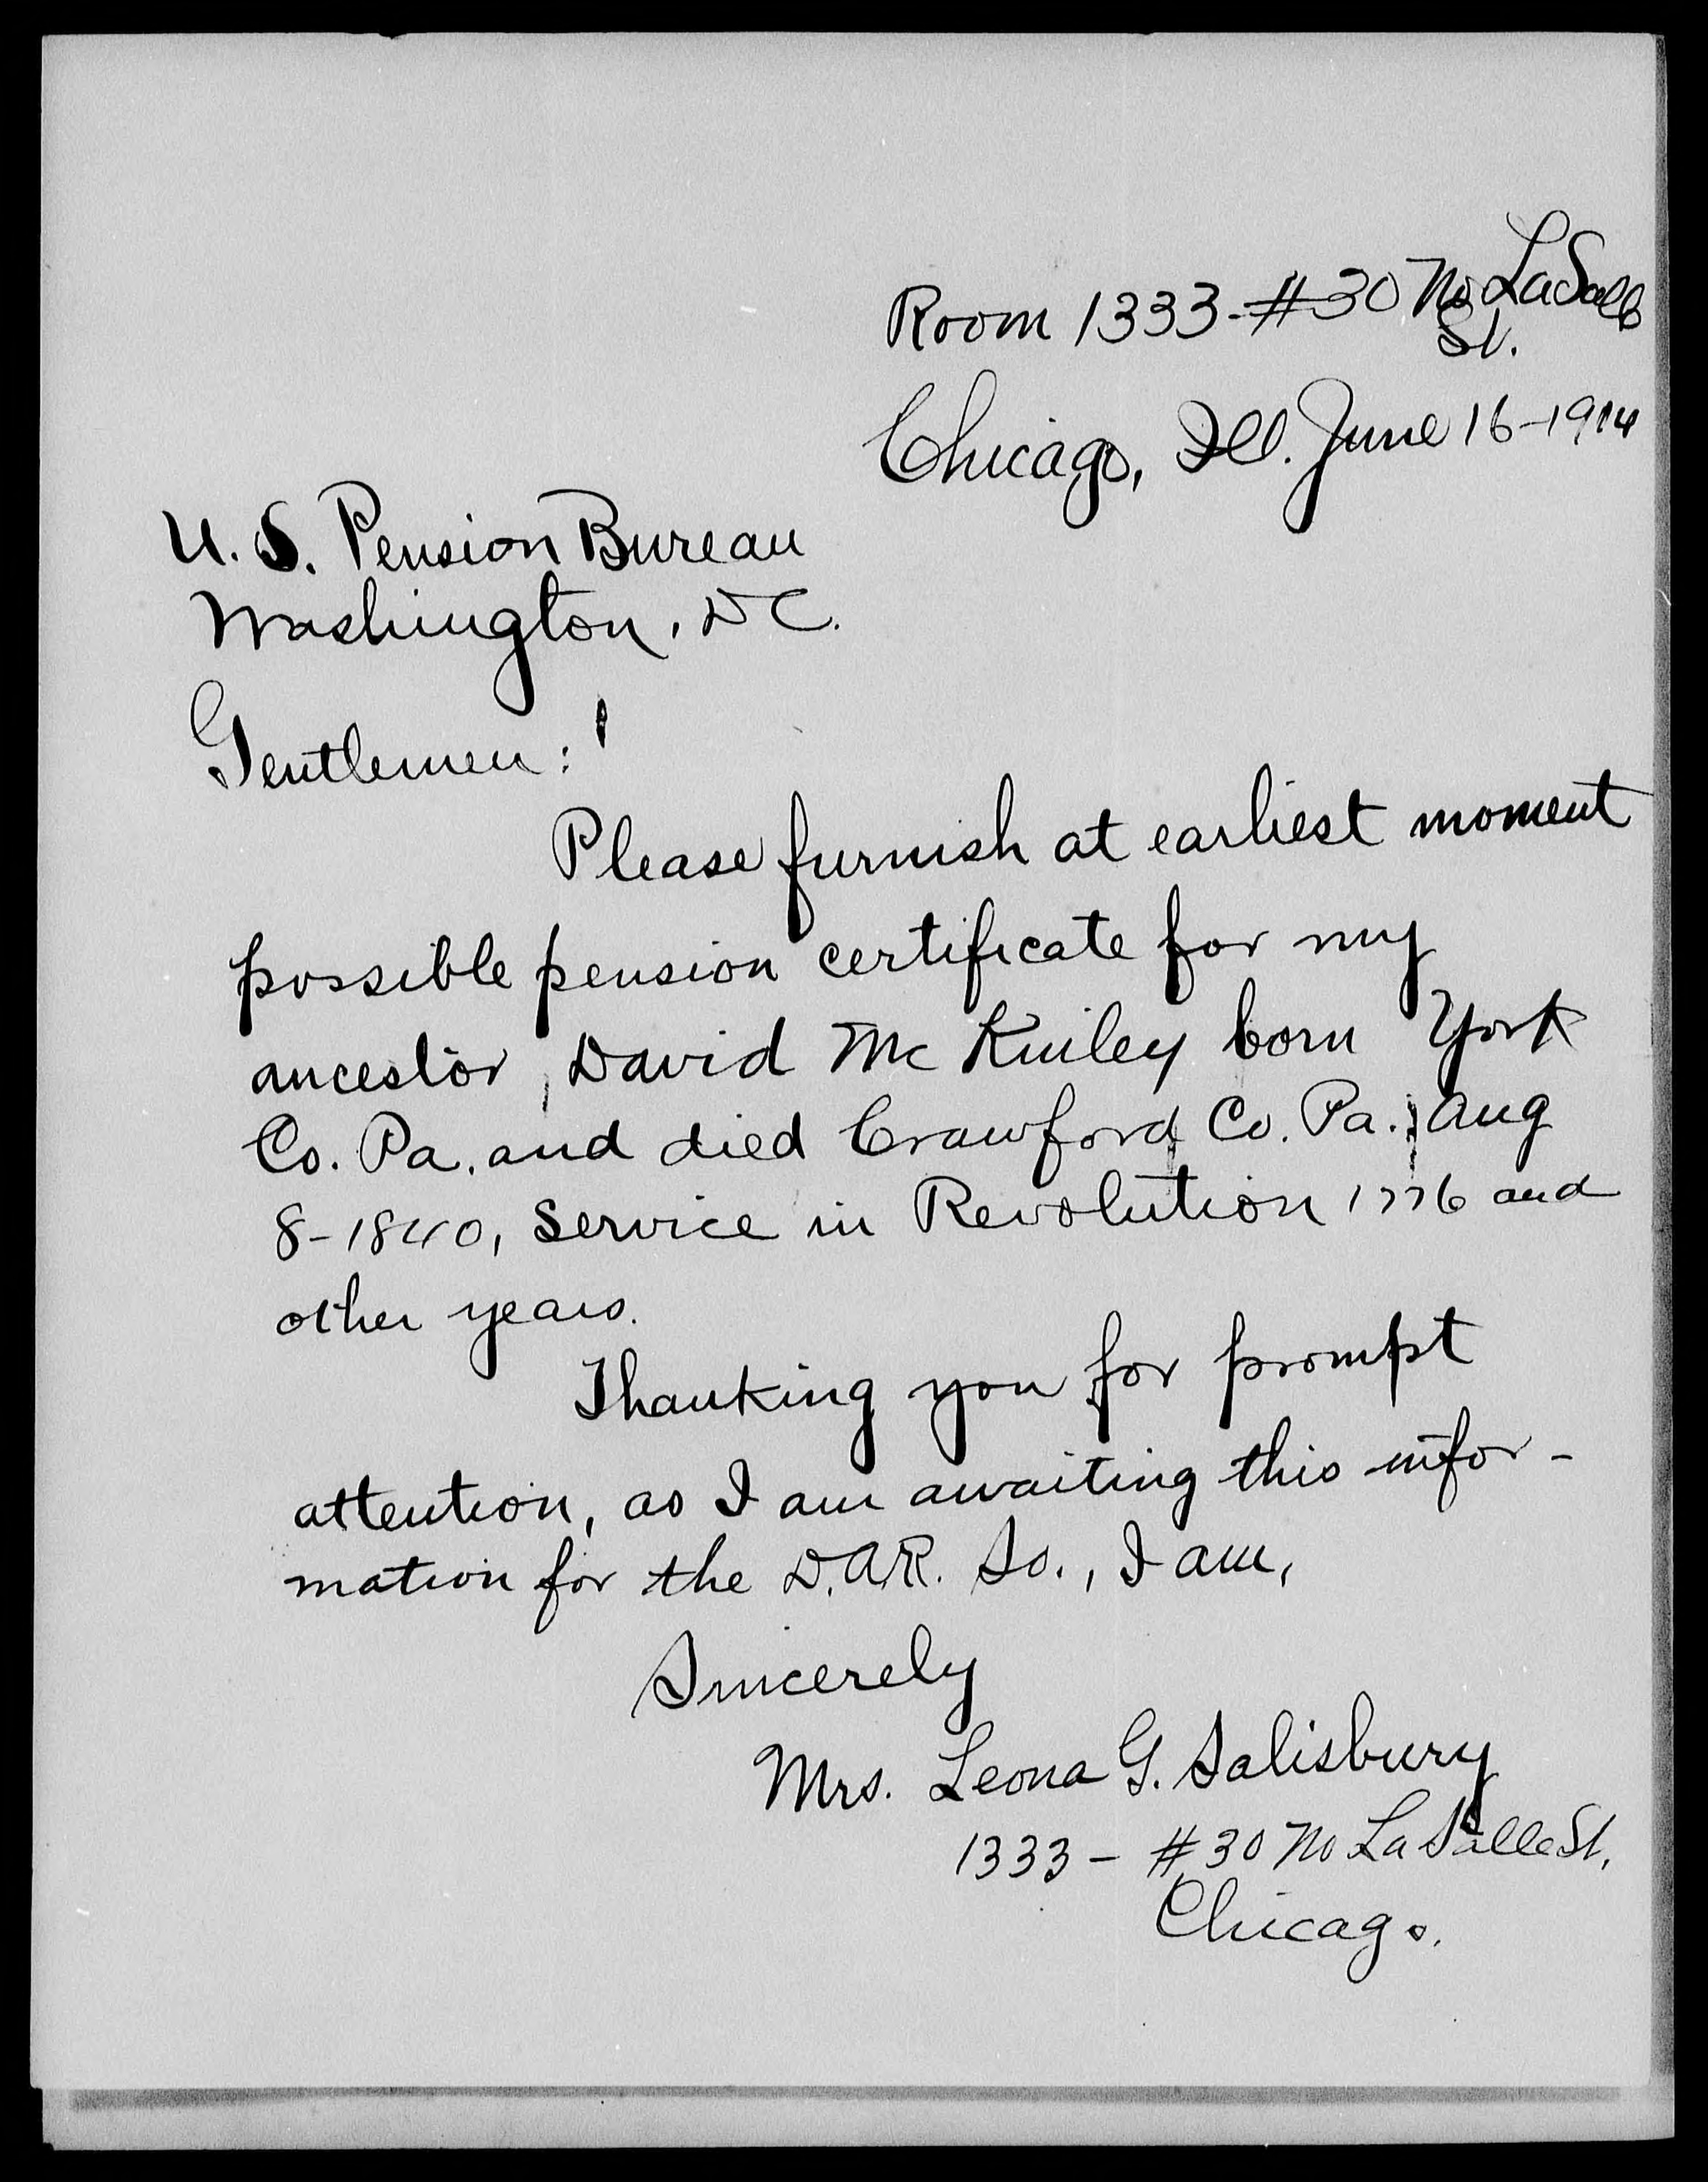Room 1333 #30 N. LaSalle St.
Chicago, Il. June 16- 1914

U.S. Pension Bureau
Washington, DC

Gentlemen:

Please furnish at earliest moment
possible pension certificate for my
ancestor, David McKinley born York
Co. Pa. and died Crawford Co. Pa. Aug
8-1840, Service in Revolution 1776 and
other years.

Thanking you for prompt
attention, as I am awaiting this information
for the D.A.R. So., I am,

Sincerely
Mrs. Leona G. Salisbury
1333 - #30 No LaSalle St.
Chicago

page: 28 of 39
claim: survivor's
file: S. 2812, for David Mc Kinley, Pennsylvania